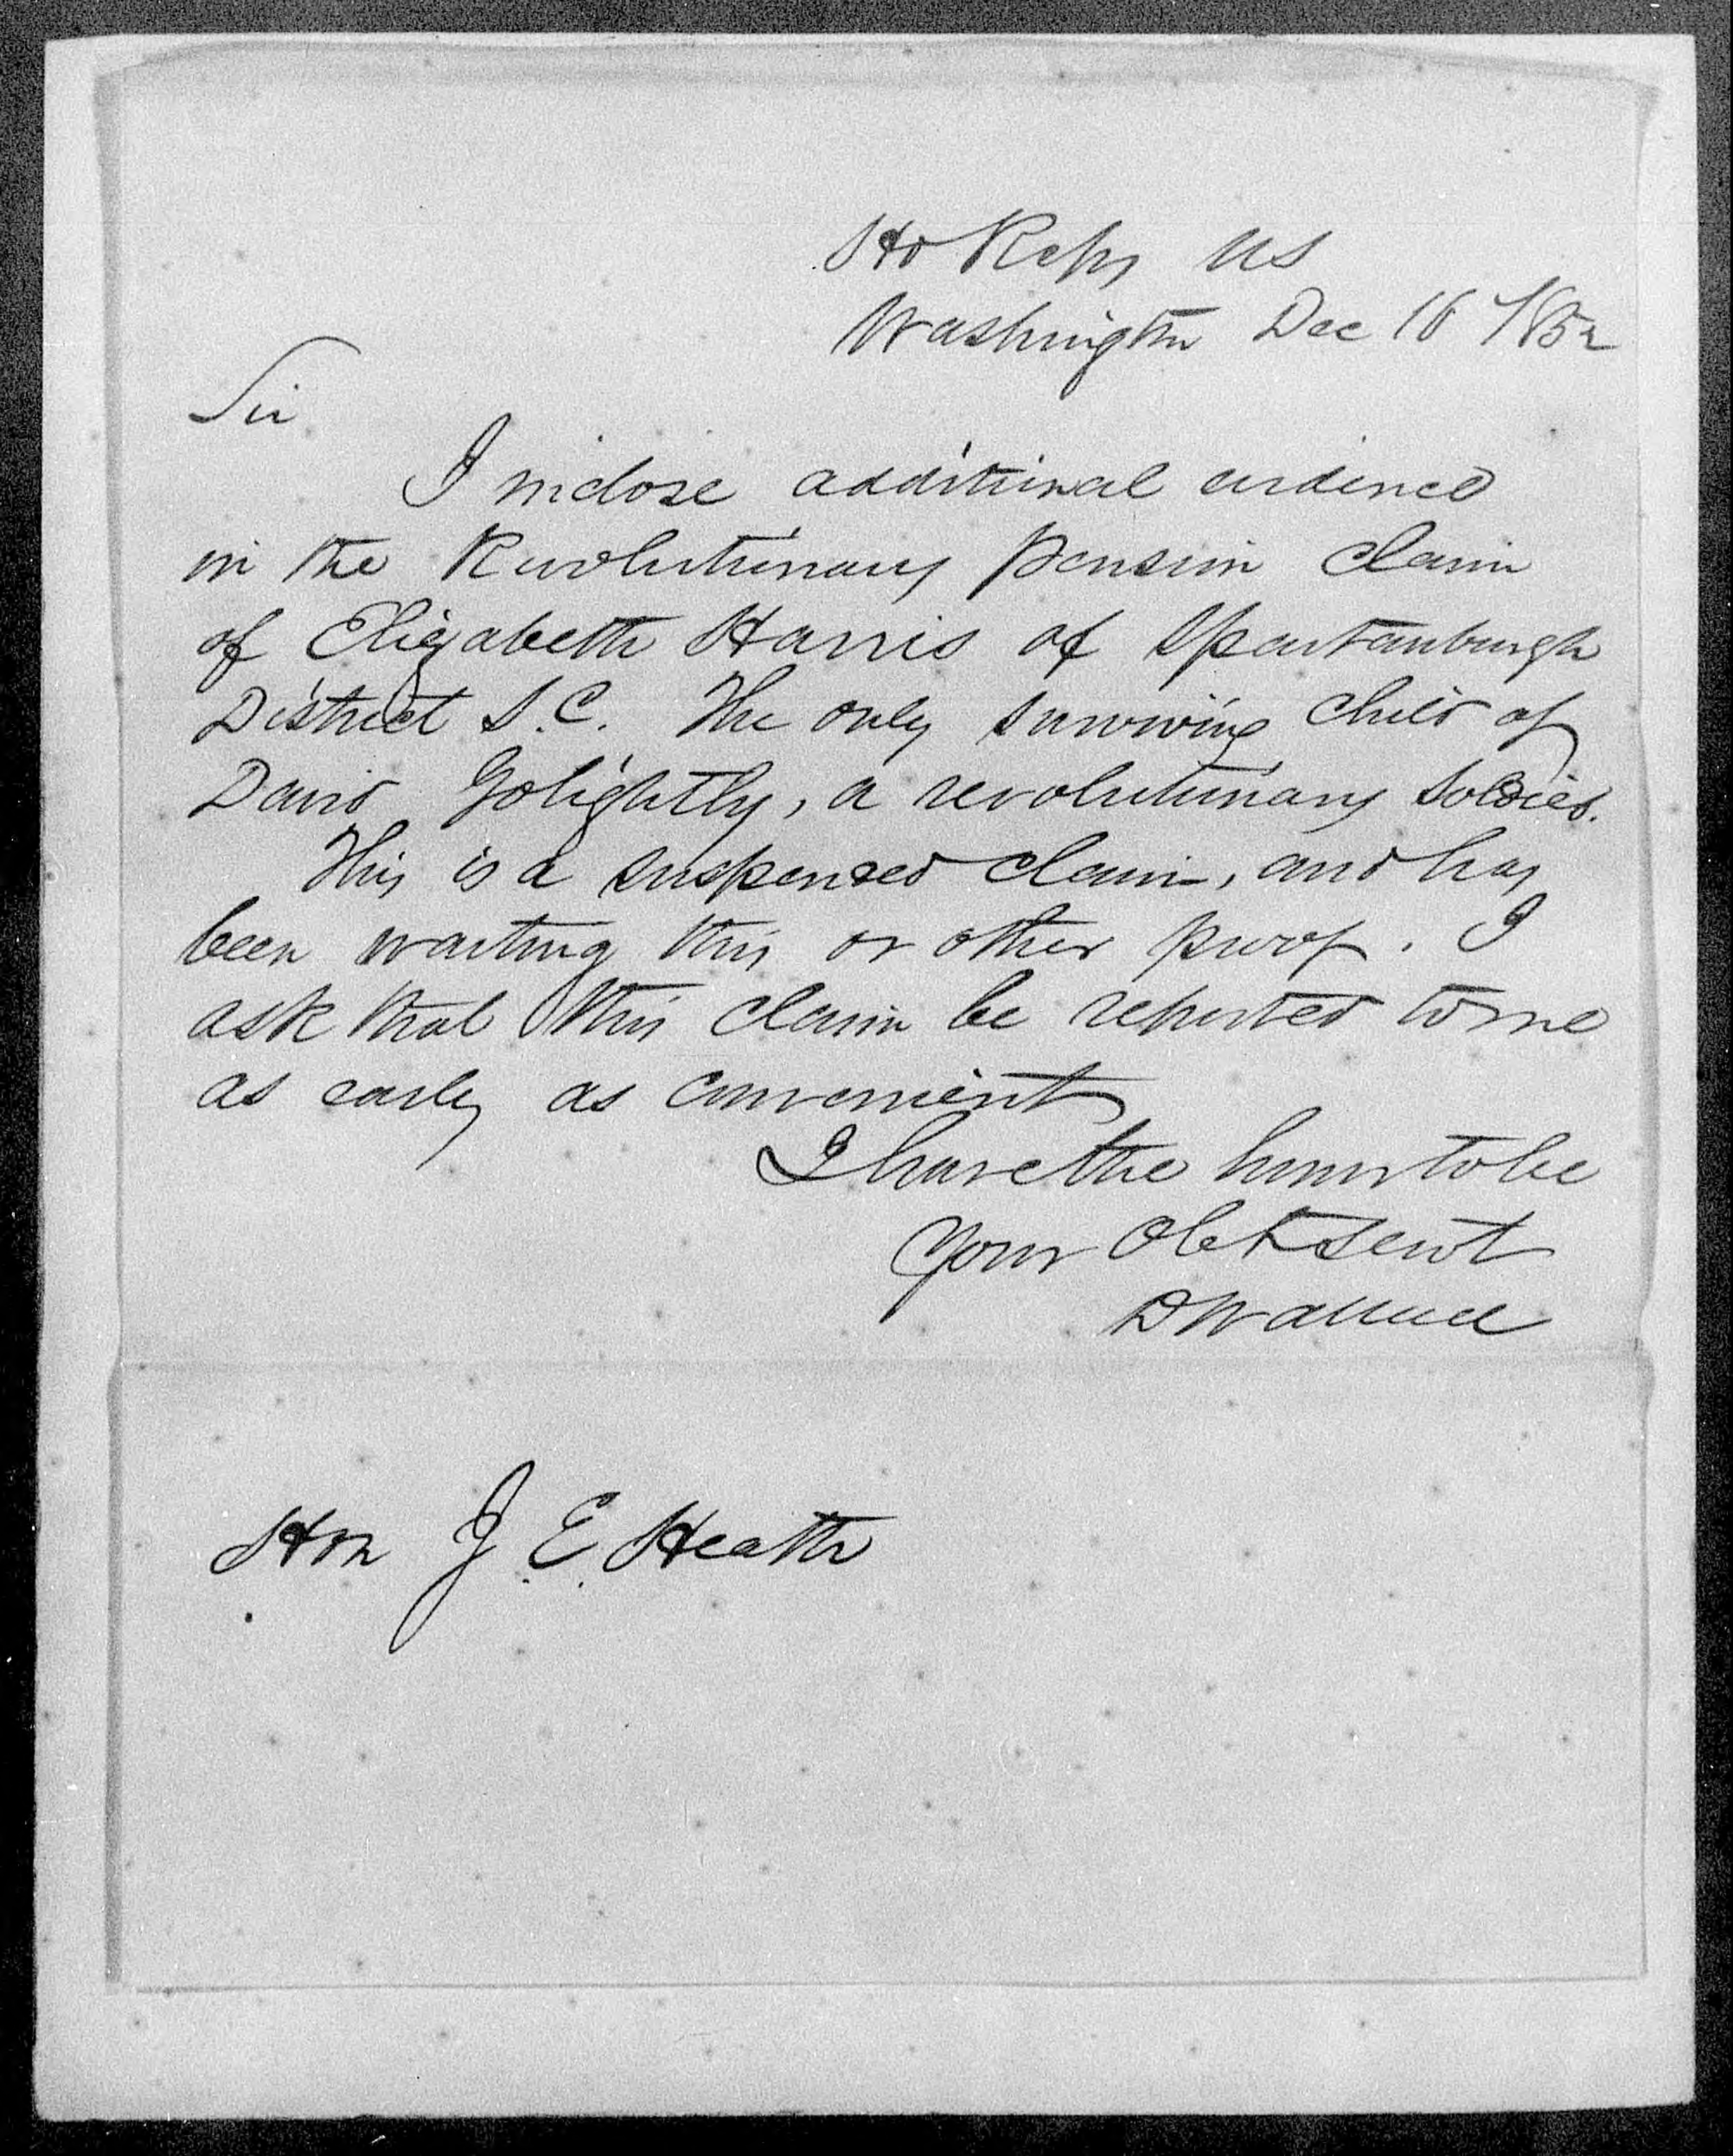House of Representatives U.S.
Washington Dec 16, 1852

Sir

  I inclose additional evidence in the Revolutionary pension claim of Elizabeth Harris of Spartanburgh District S.C.  the only surviving child of David Golightly, a revolutionary soldier.

   This is a suspended claim, and has been waiting this or other proof.  I ask that their claim be reported to me as early as convenient.

   I have the honor to be
   Your Obedient Servant
   D. Wallace

Hon. J.E. Heath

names: Elizabeth Harris, J E Heath, David Golightly, D Wallace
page: 41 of 57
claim: survivor's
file: S. 18888, David Golightly, S.C.